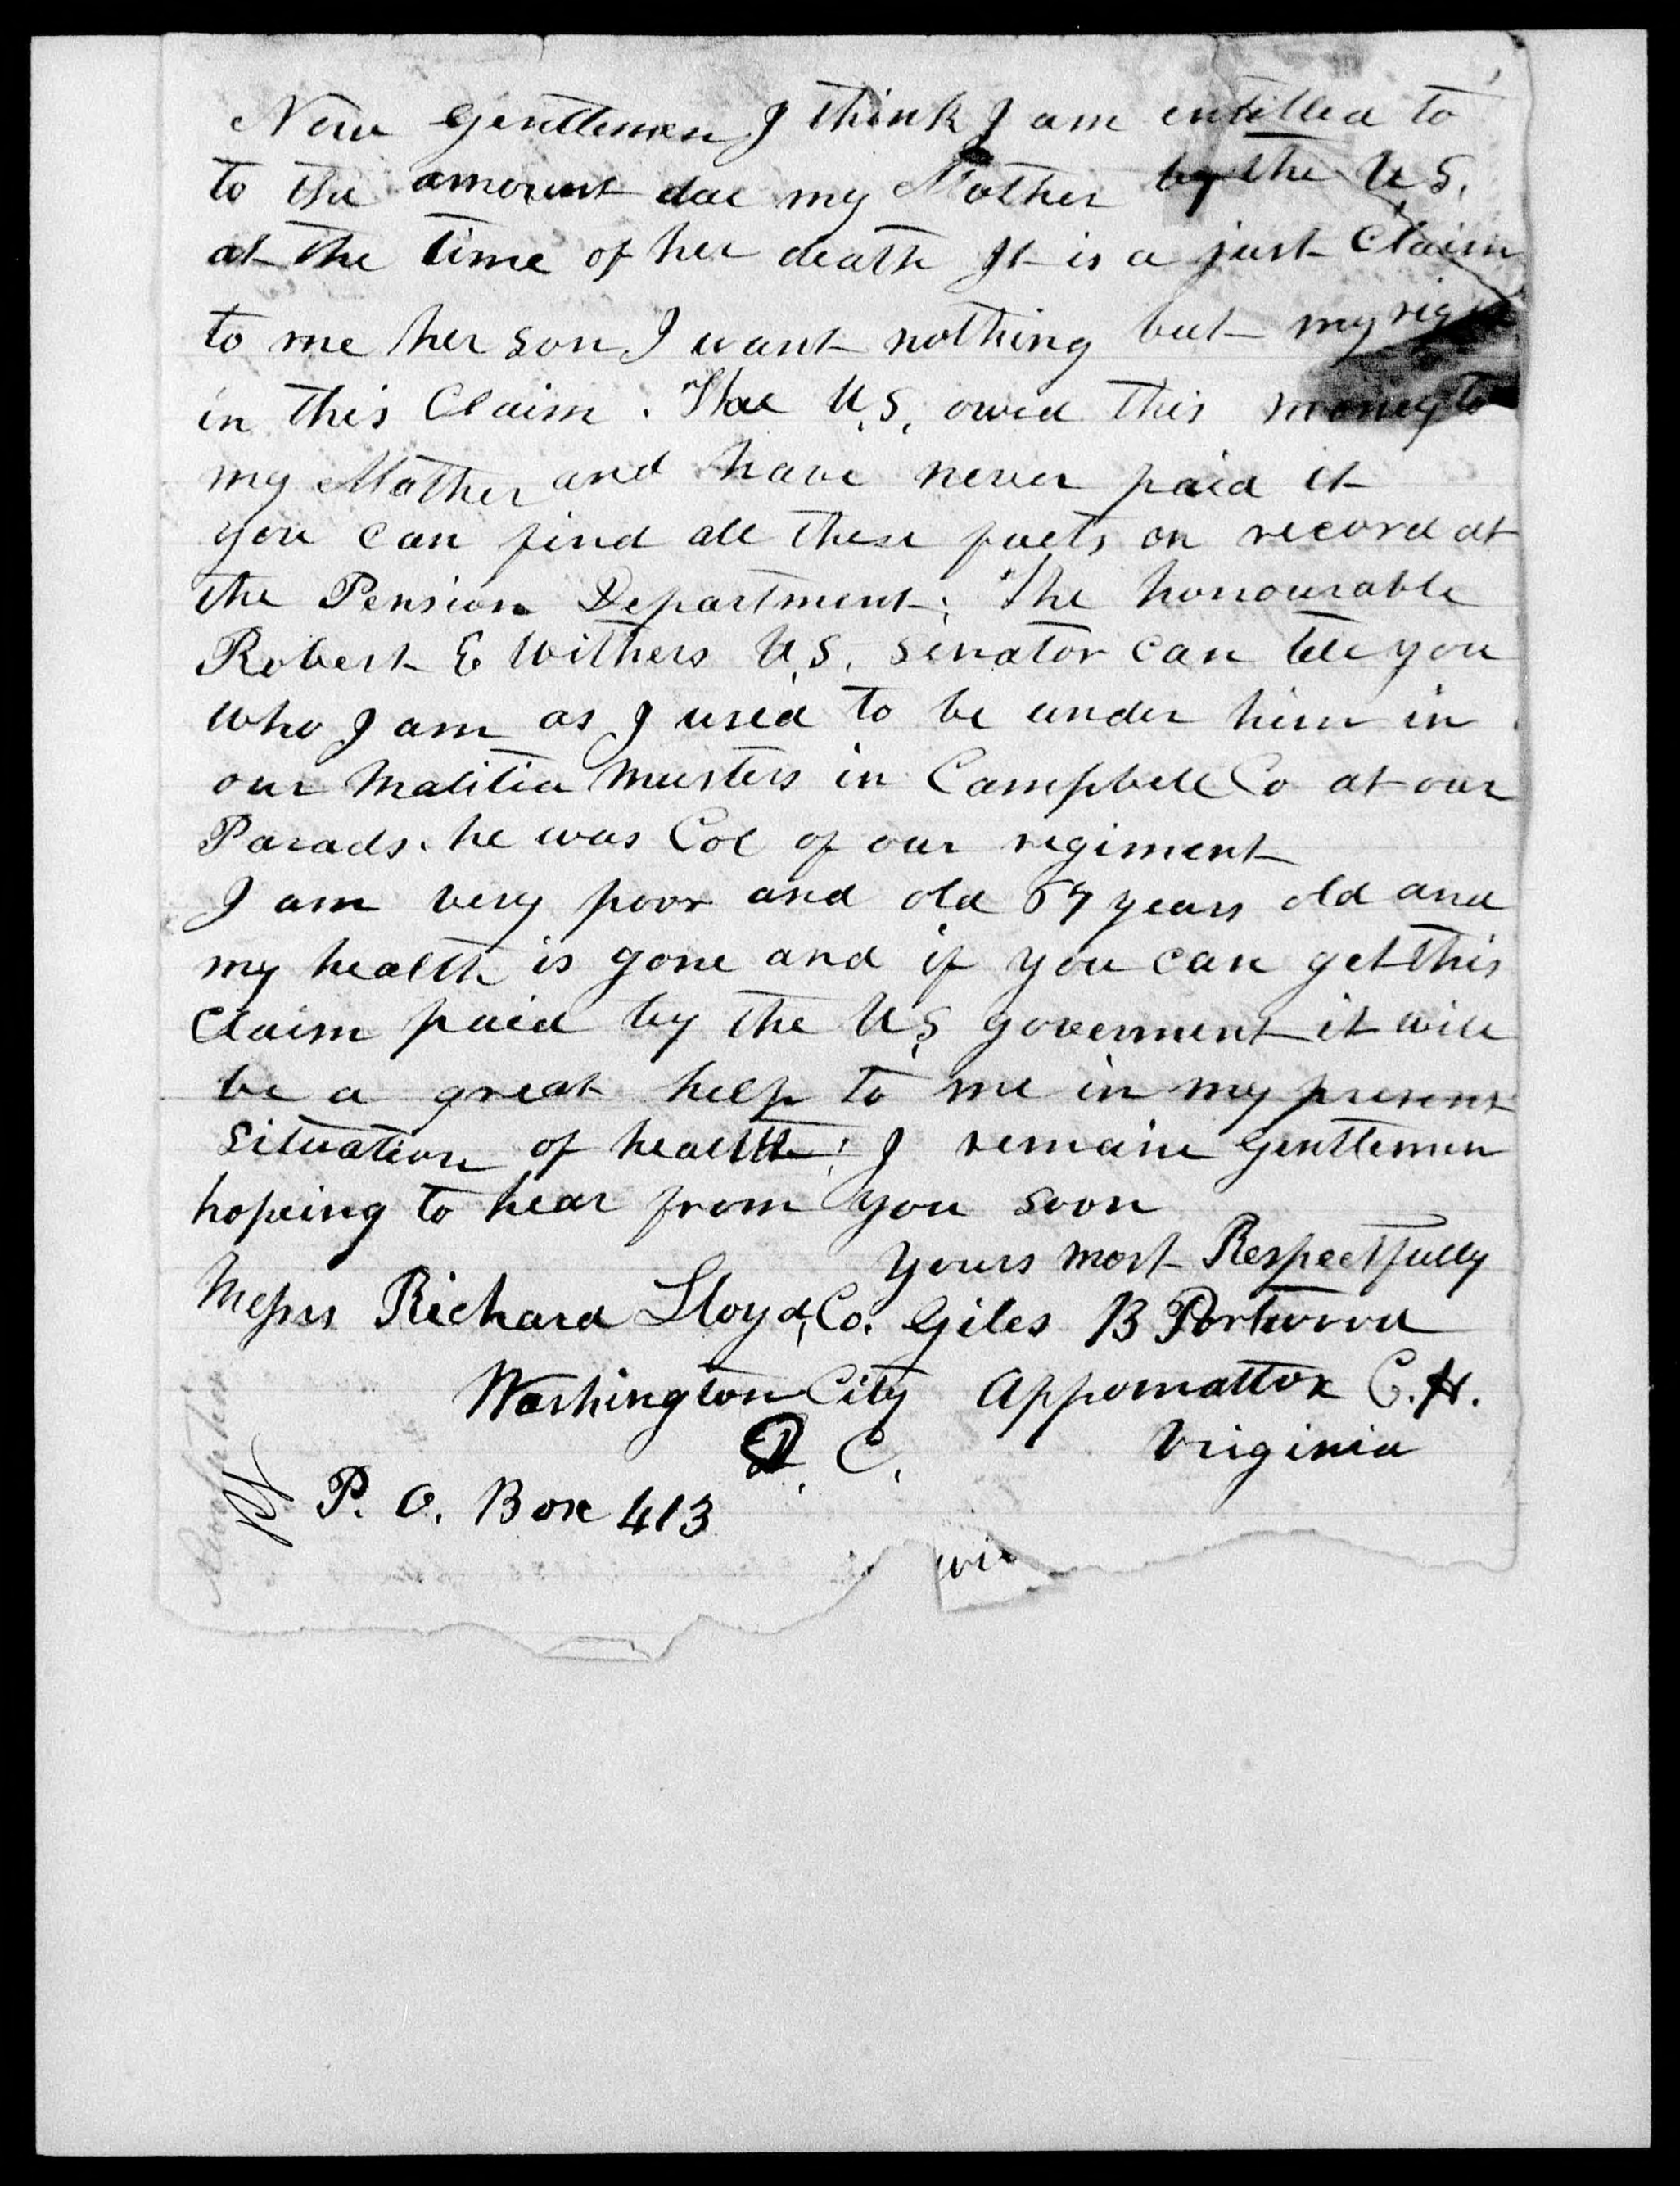Now Gentlemen I think I am entitled to
to the amount due my Mother by the U.S.
at the time of her death It is a just claim
to me her son I want nothing but my right [smugged]
in this claim. The U.S. owed this money to
my Mother and have never paid it
you can find all these facts on record at
the Pension Department: The honourable
Robert E Withers U.S. Senator can tell you
who I am as I used to be under him in
our Malitia Musters in Campbell Co at our
Parads. he was Col of our regiment
I am very poor and old 67 years old and
my health is gone and if you can get this
claim paid by the US goverment it will
be a great help to me in my presence
situation of health: I remain Gentlemen
hopeing to hear from you soon
| Yours most Respectfully
Messrs Richard Lloy & Co. Giles B Portwood
Washington City Appomattox C.H.
| D.C. | Virginia
P.O. Box 413
[Sideways at bottom] Revolution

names: Richard Lloyd; Giles B Portwood; Malilion Meesters; Robert E Withers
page: 32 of 50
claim: widow's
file: W. 1929, for Lloyd Portwood, Virginia